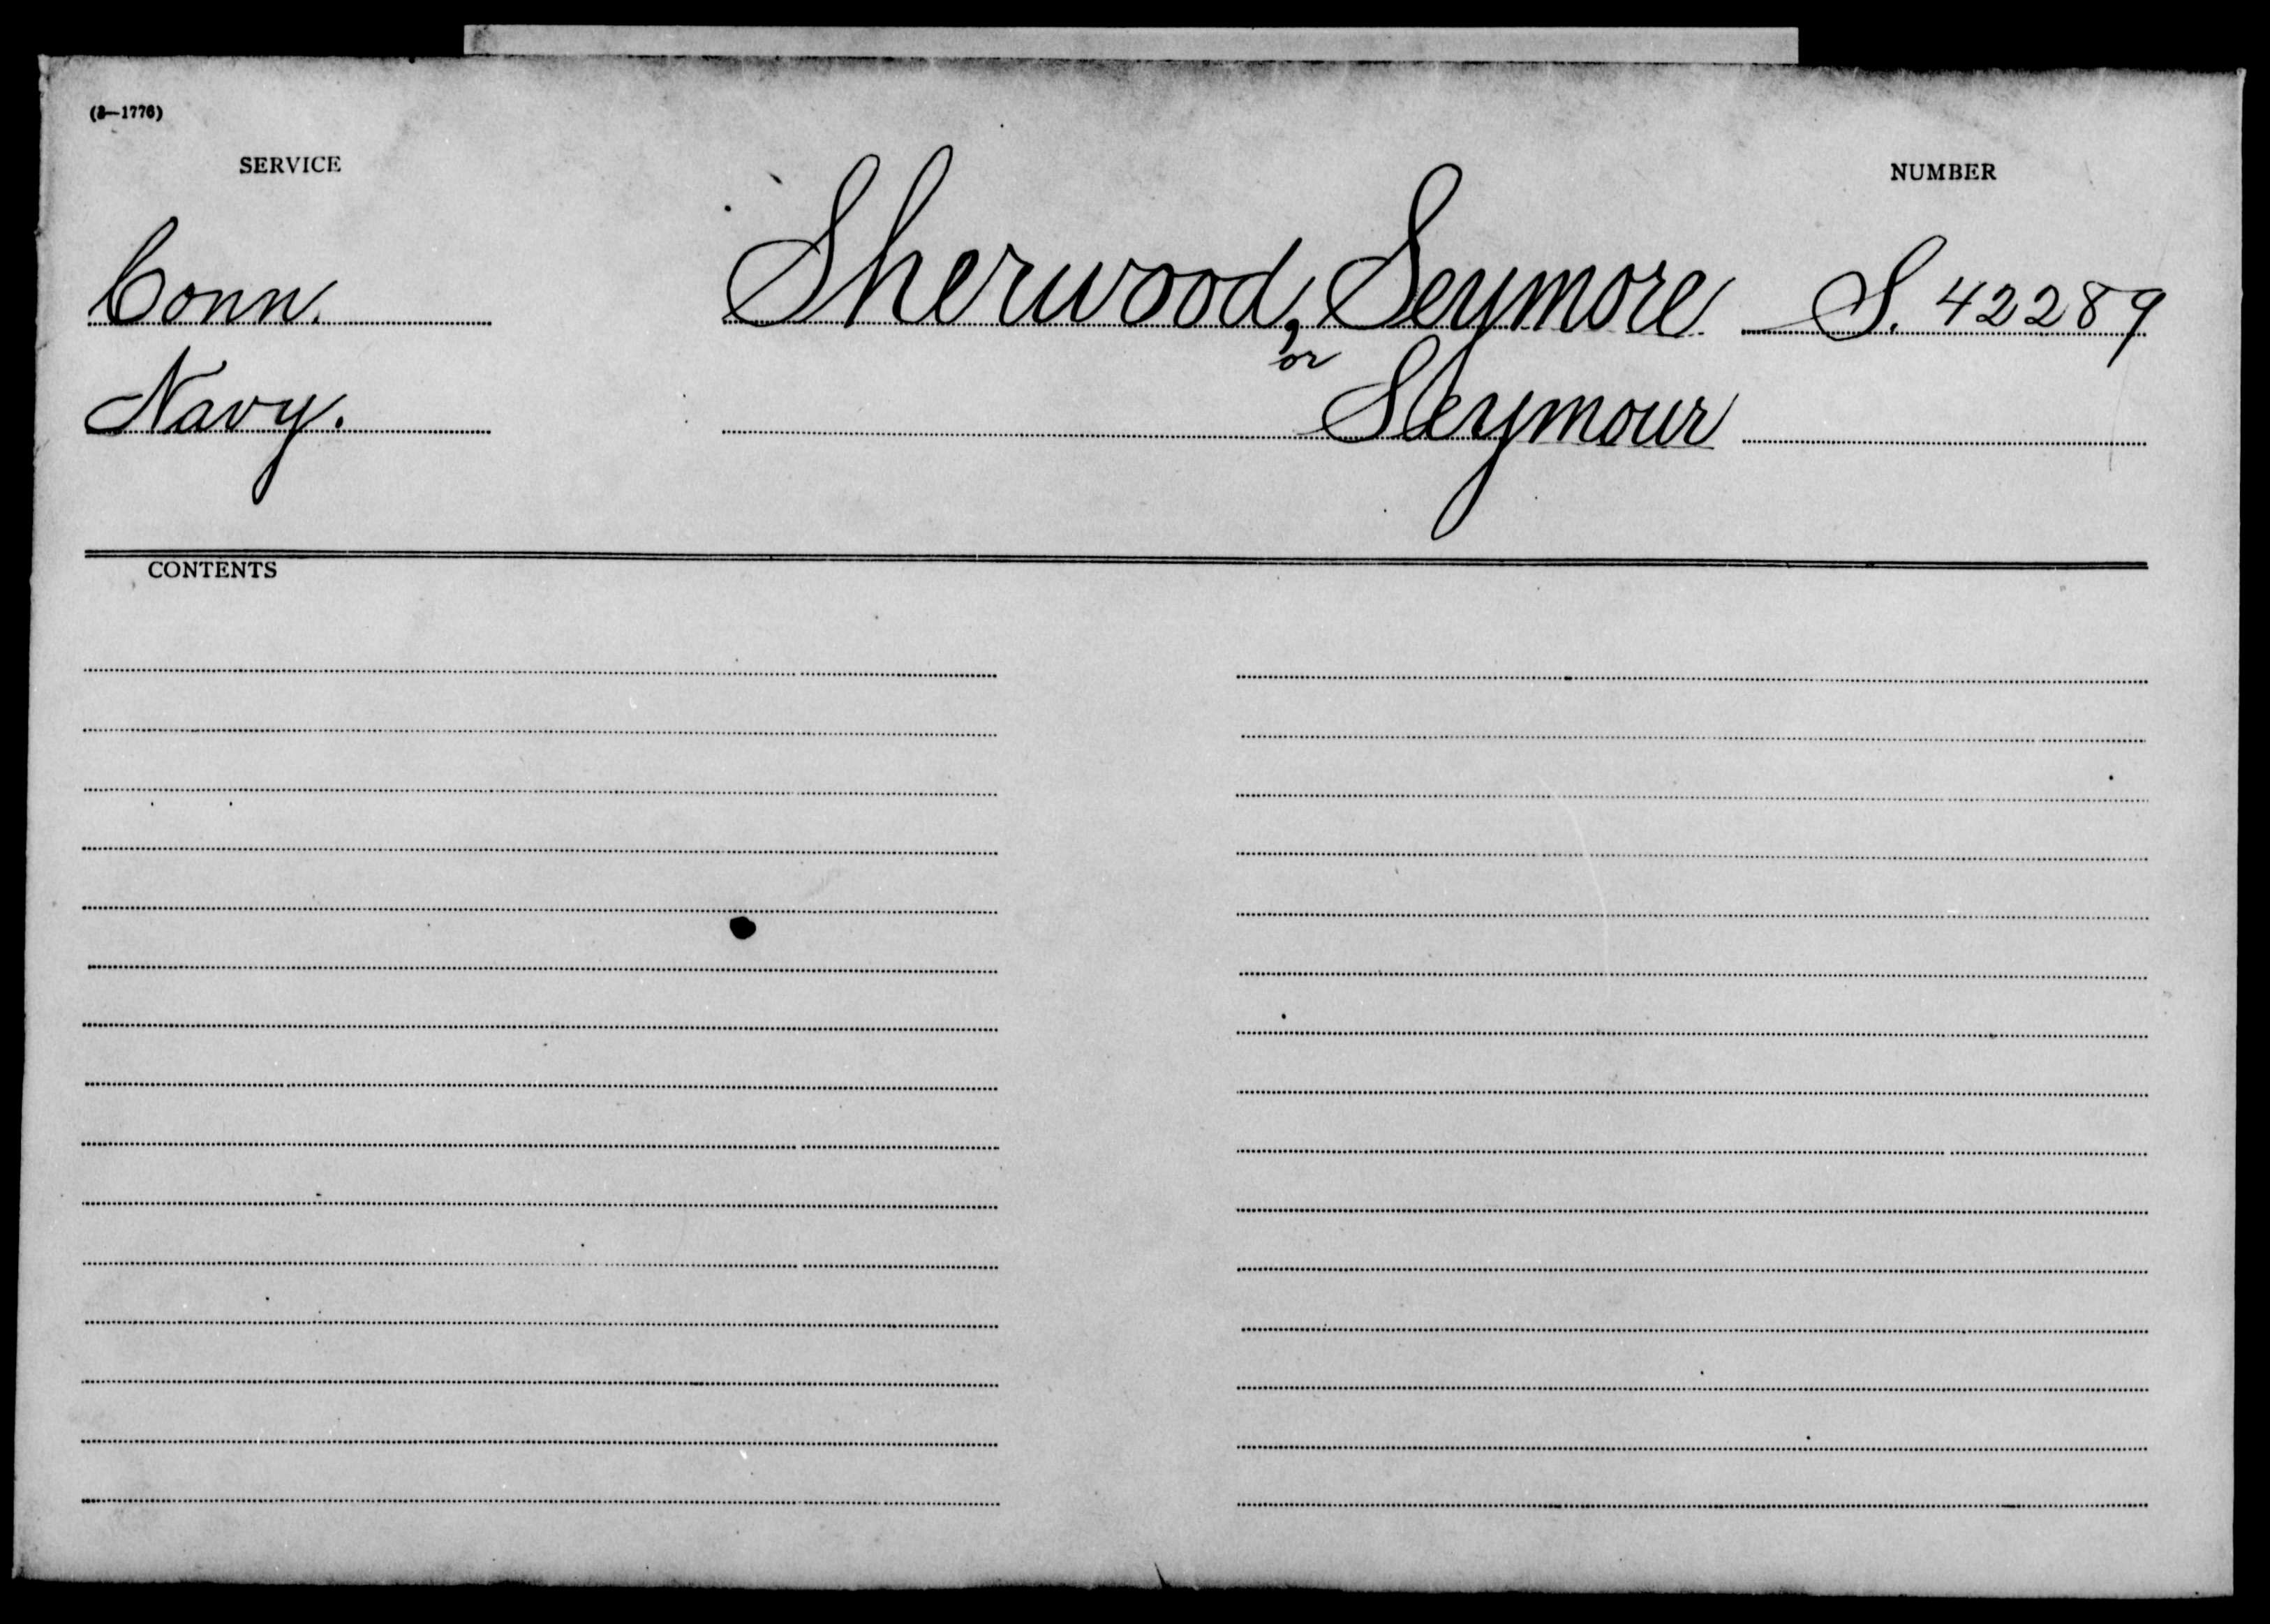SERVICE  Conn.
Navy.
Sherwood, Seymore
or Seymour
NUMBER  S. 42289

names: Seymour Sherwood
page: 1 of 30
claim: survivor's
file: S. 42289, for Seymore Sherwood, Connecticut